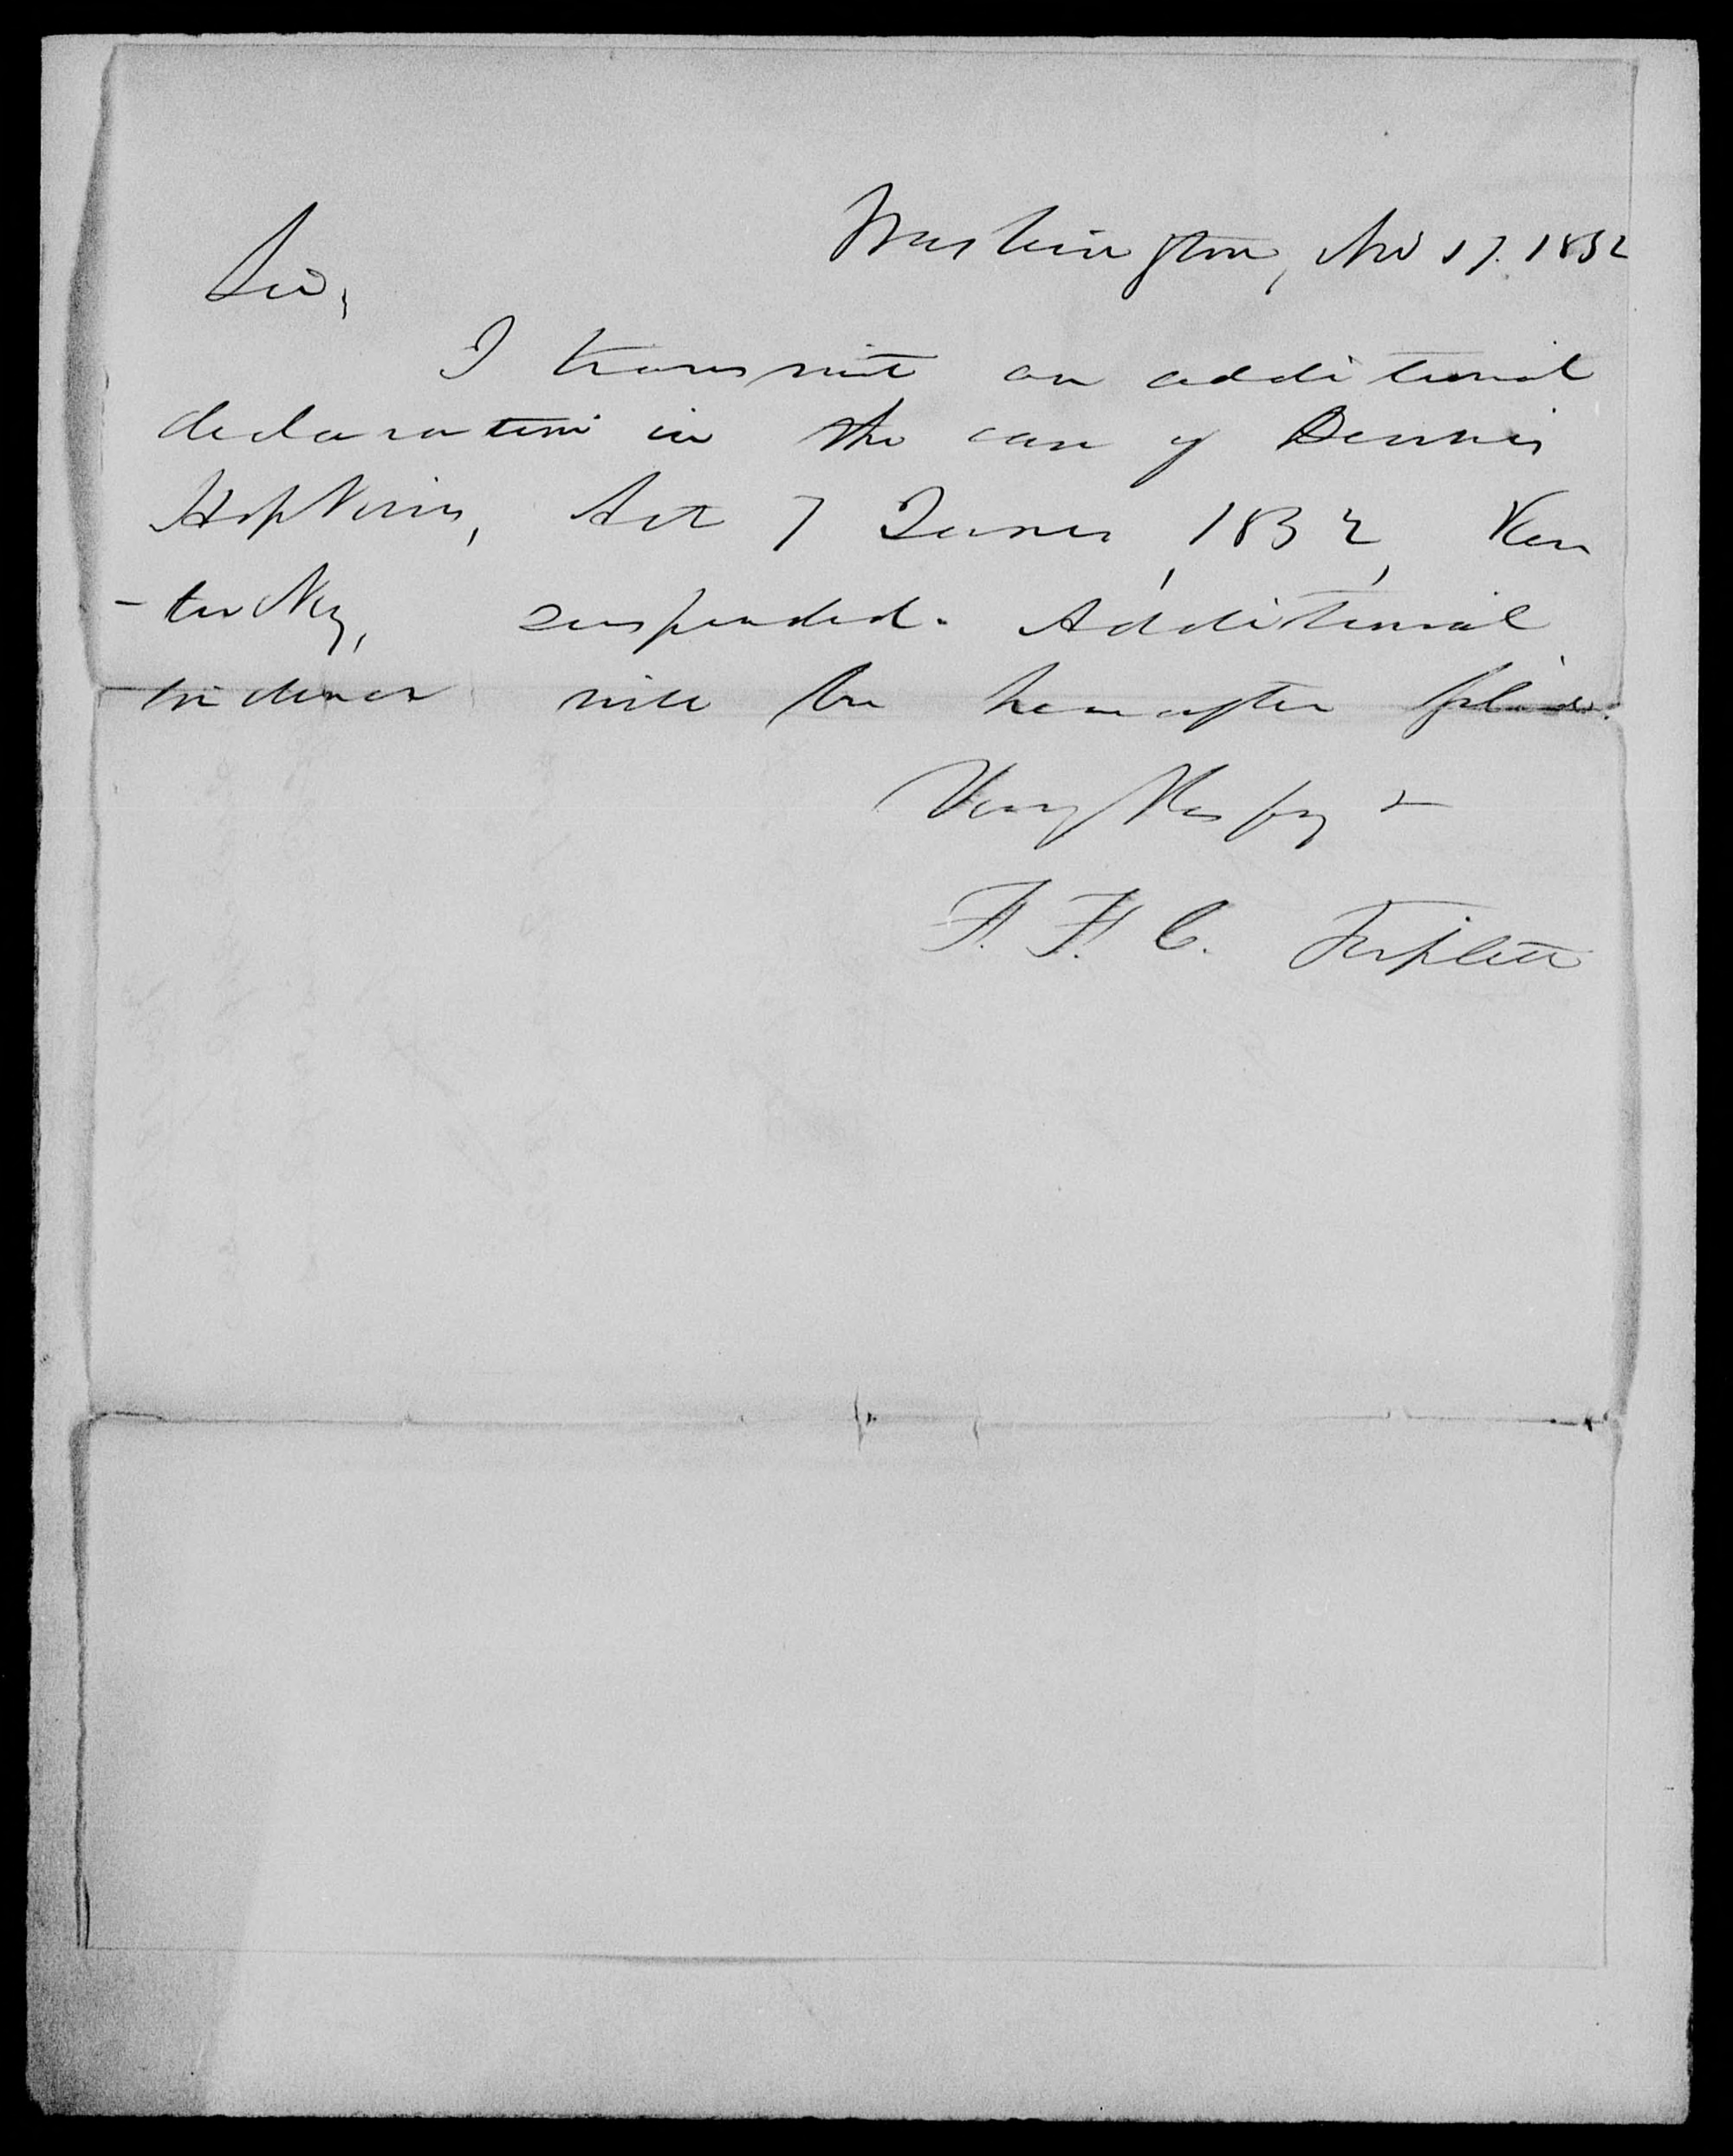Washington Nov 17. 1832

Sir,
I transmit an additional declaration in the case of Dennis Hopkins, Act 7 June 1832 Kentucky, suspended. Additional evidence will be hereafter filed
Very Resfy
F.F.C. Triplett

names: F F C Triplett, Dennis Hopkins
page: 43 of 144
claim: rejected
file: R. 5208, Dennis Hopkins, N.C.